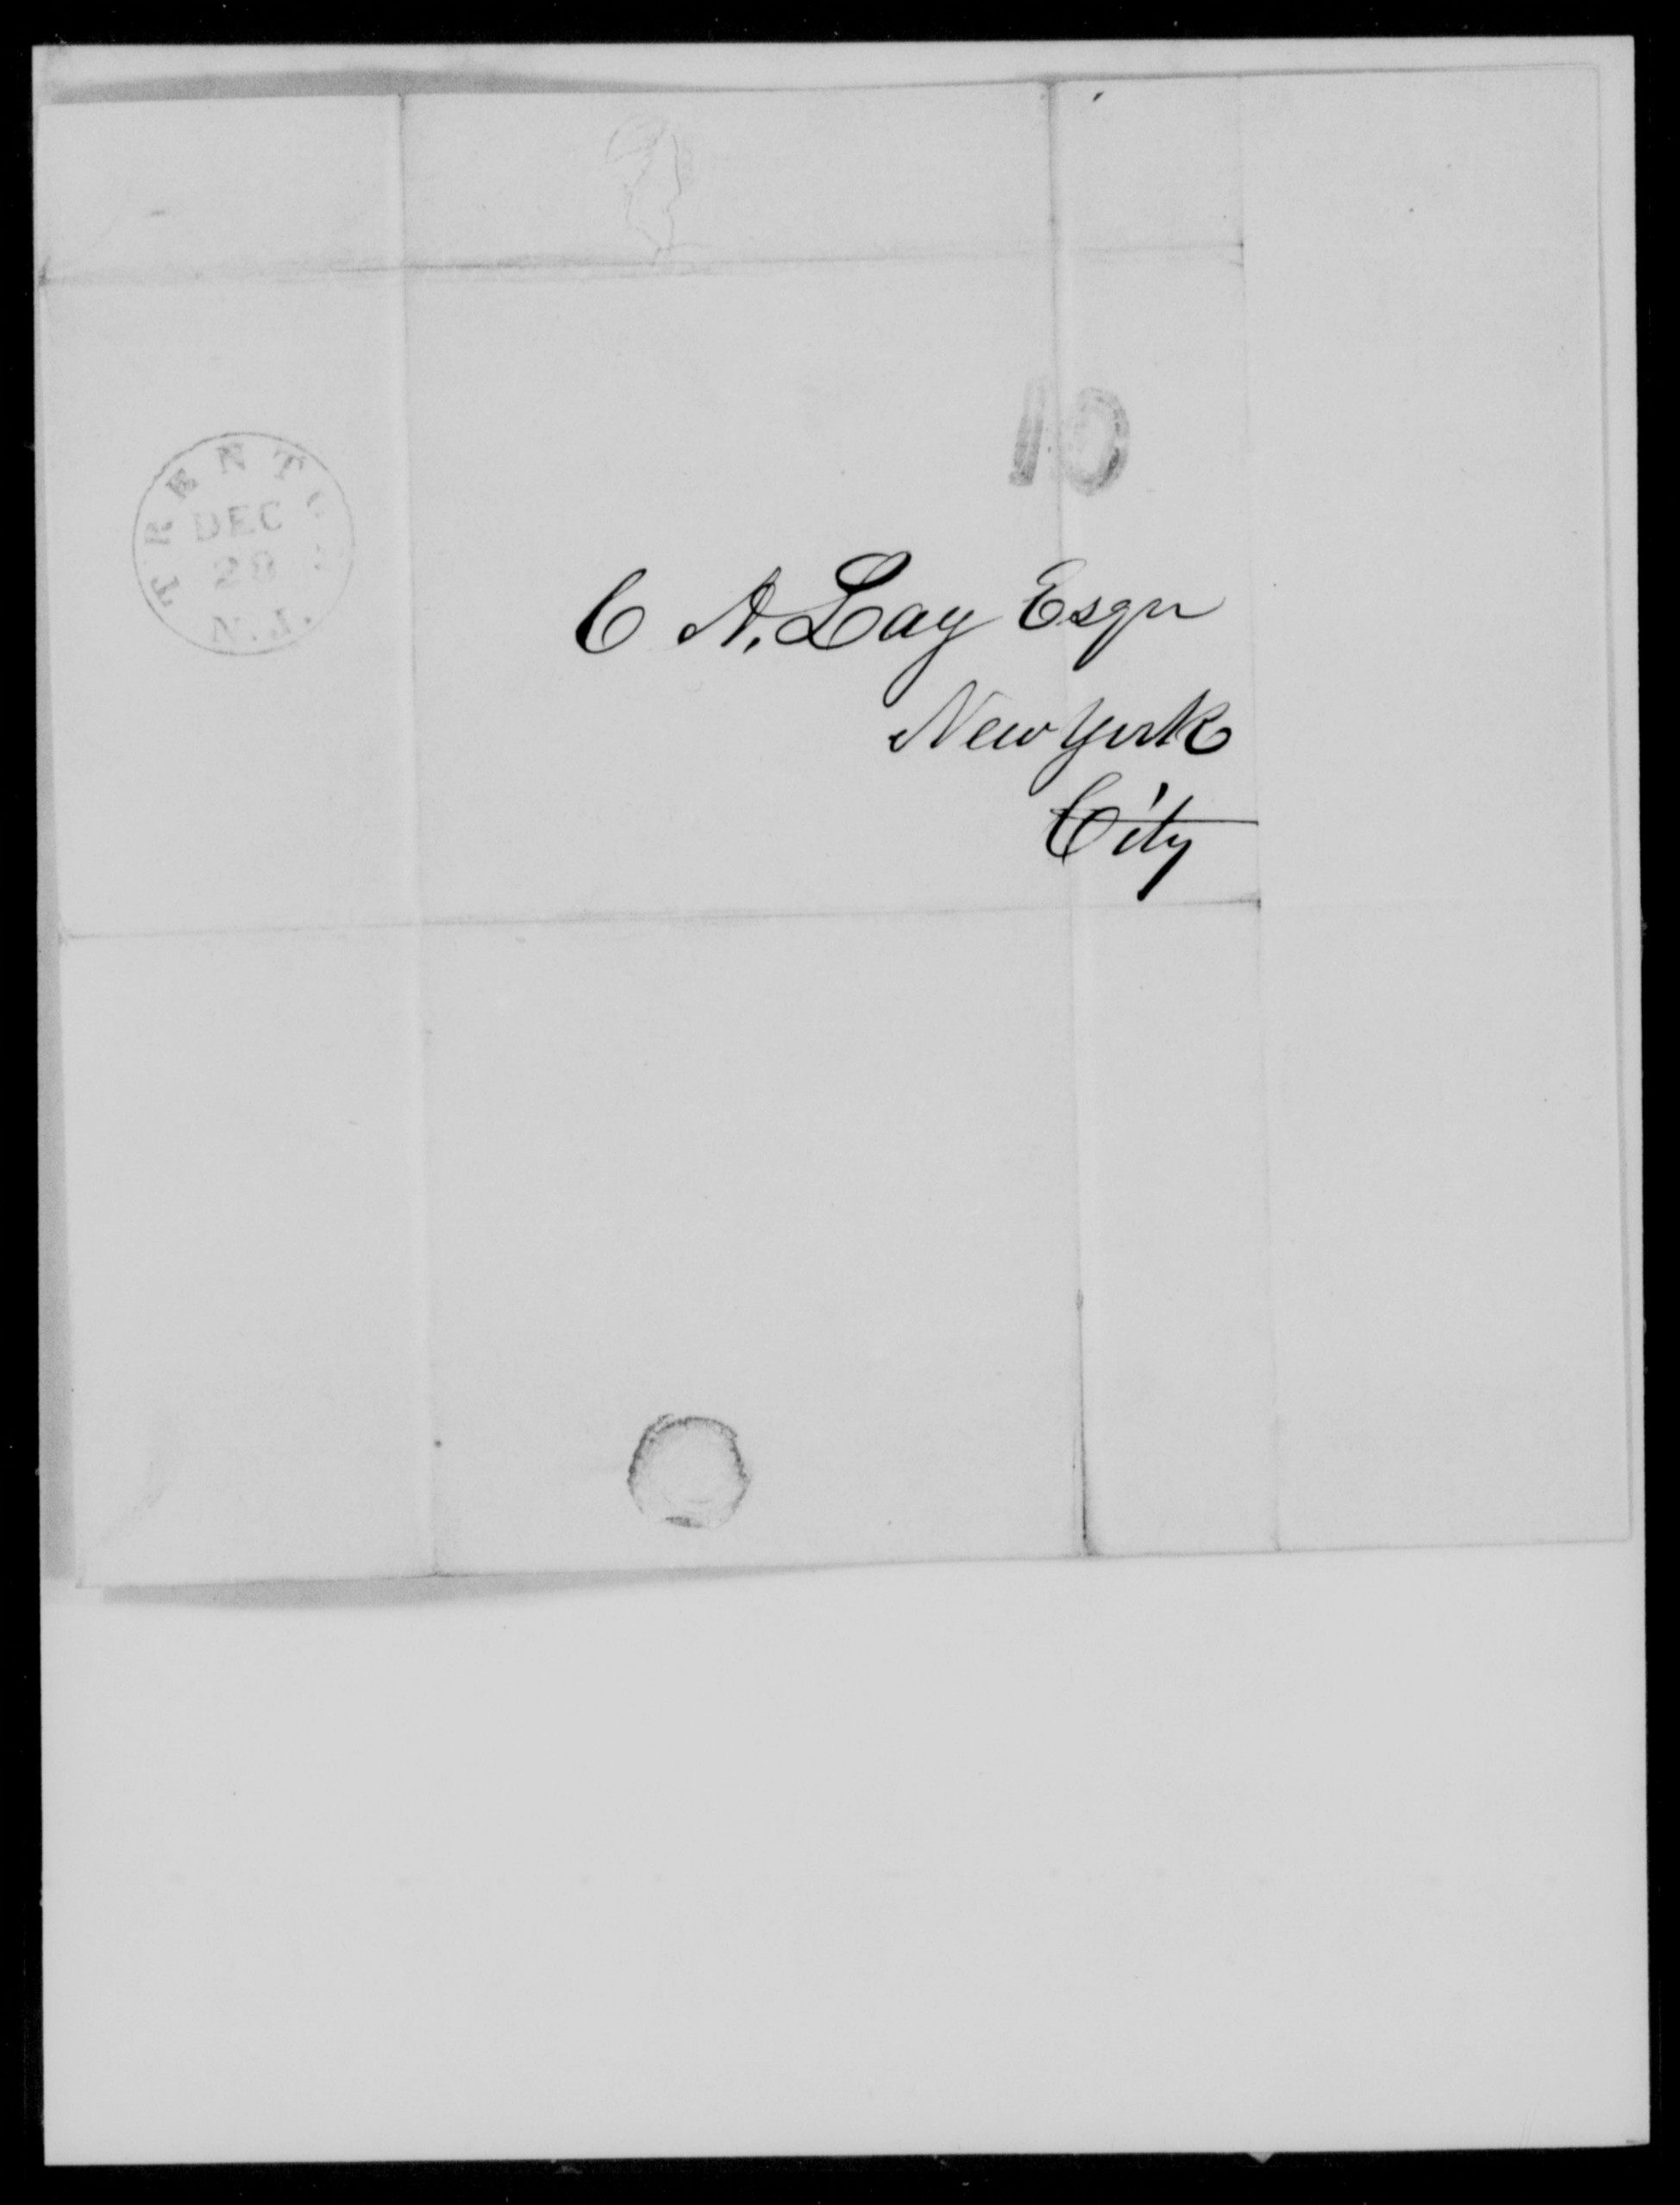10
C.A. Lay Esqr
New York City
[postal mark] TRENTON N.J. DEC 20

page: 37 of 101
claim: widow's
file: W. 25481, for Peter V Tilyou, New Jersey